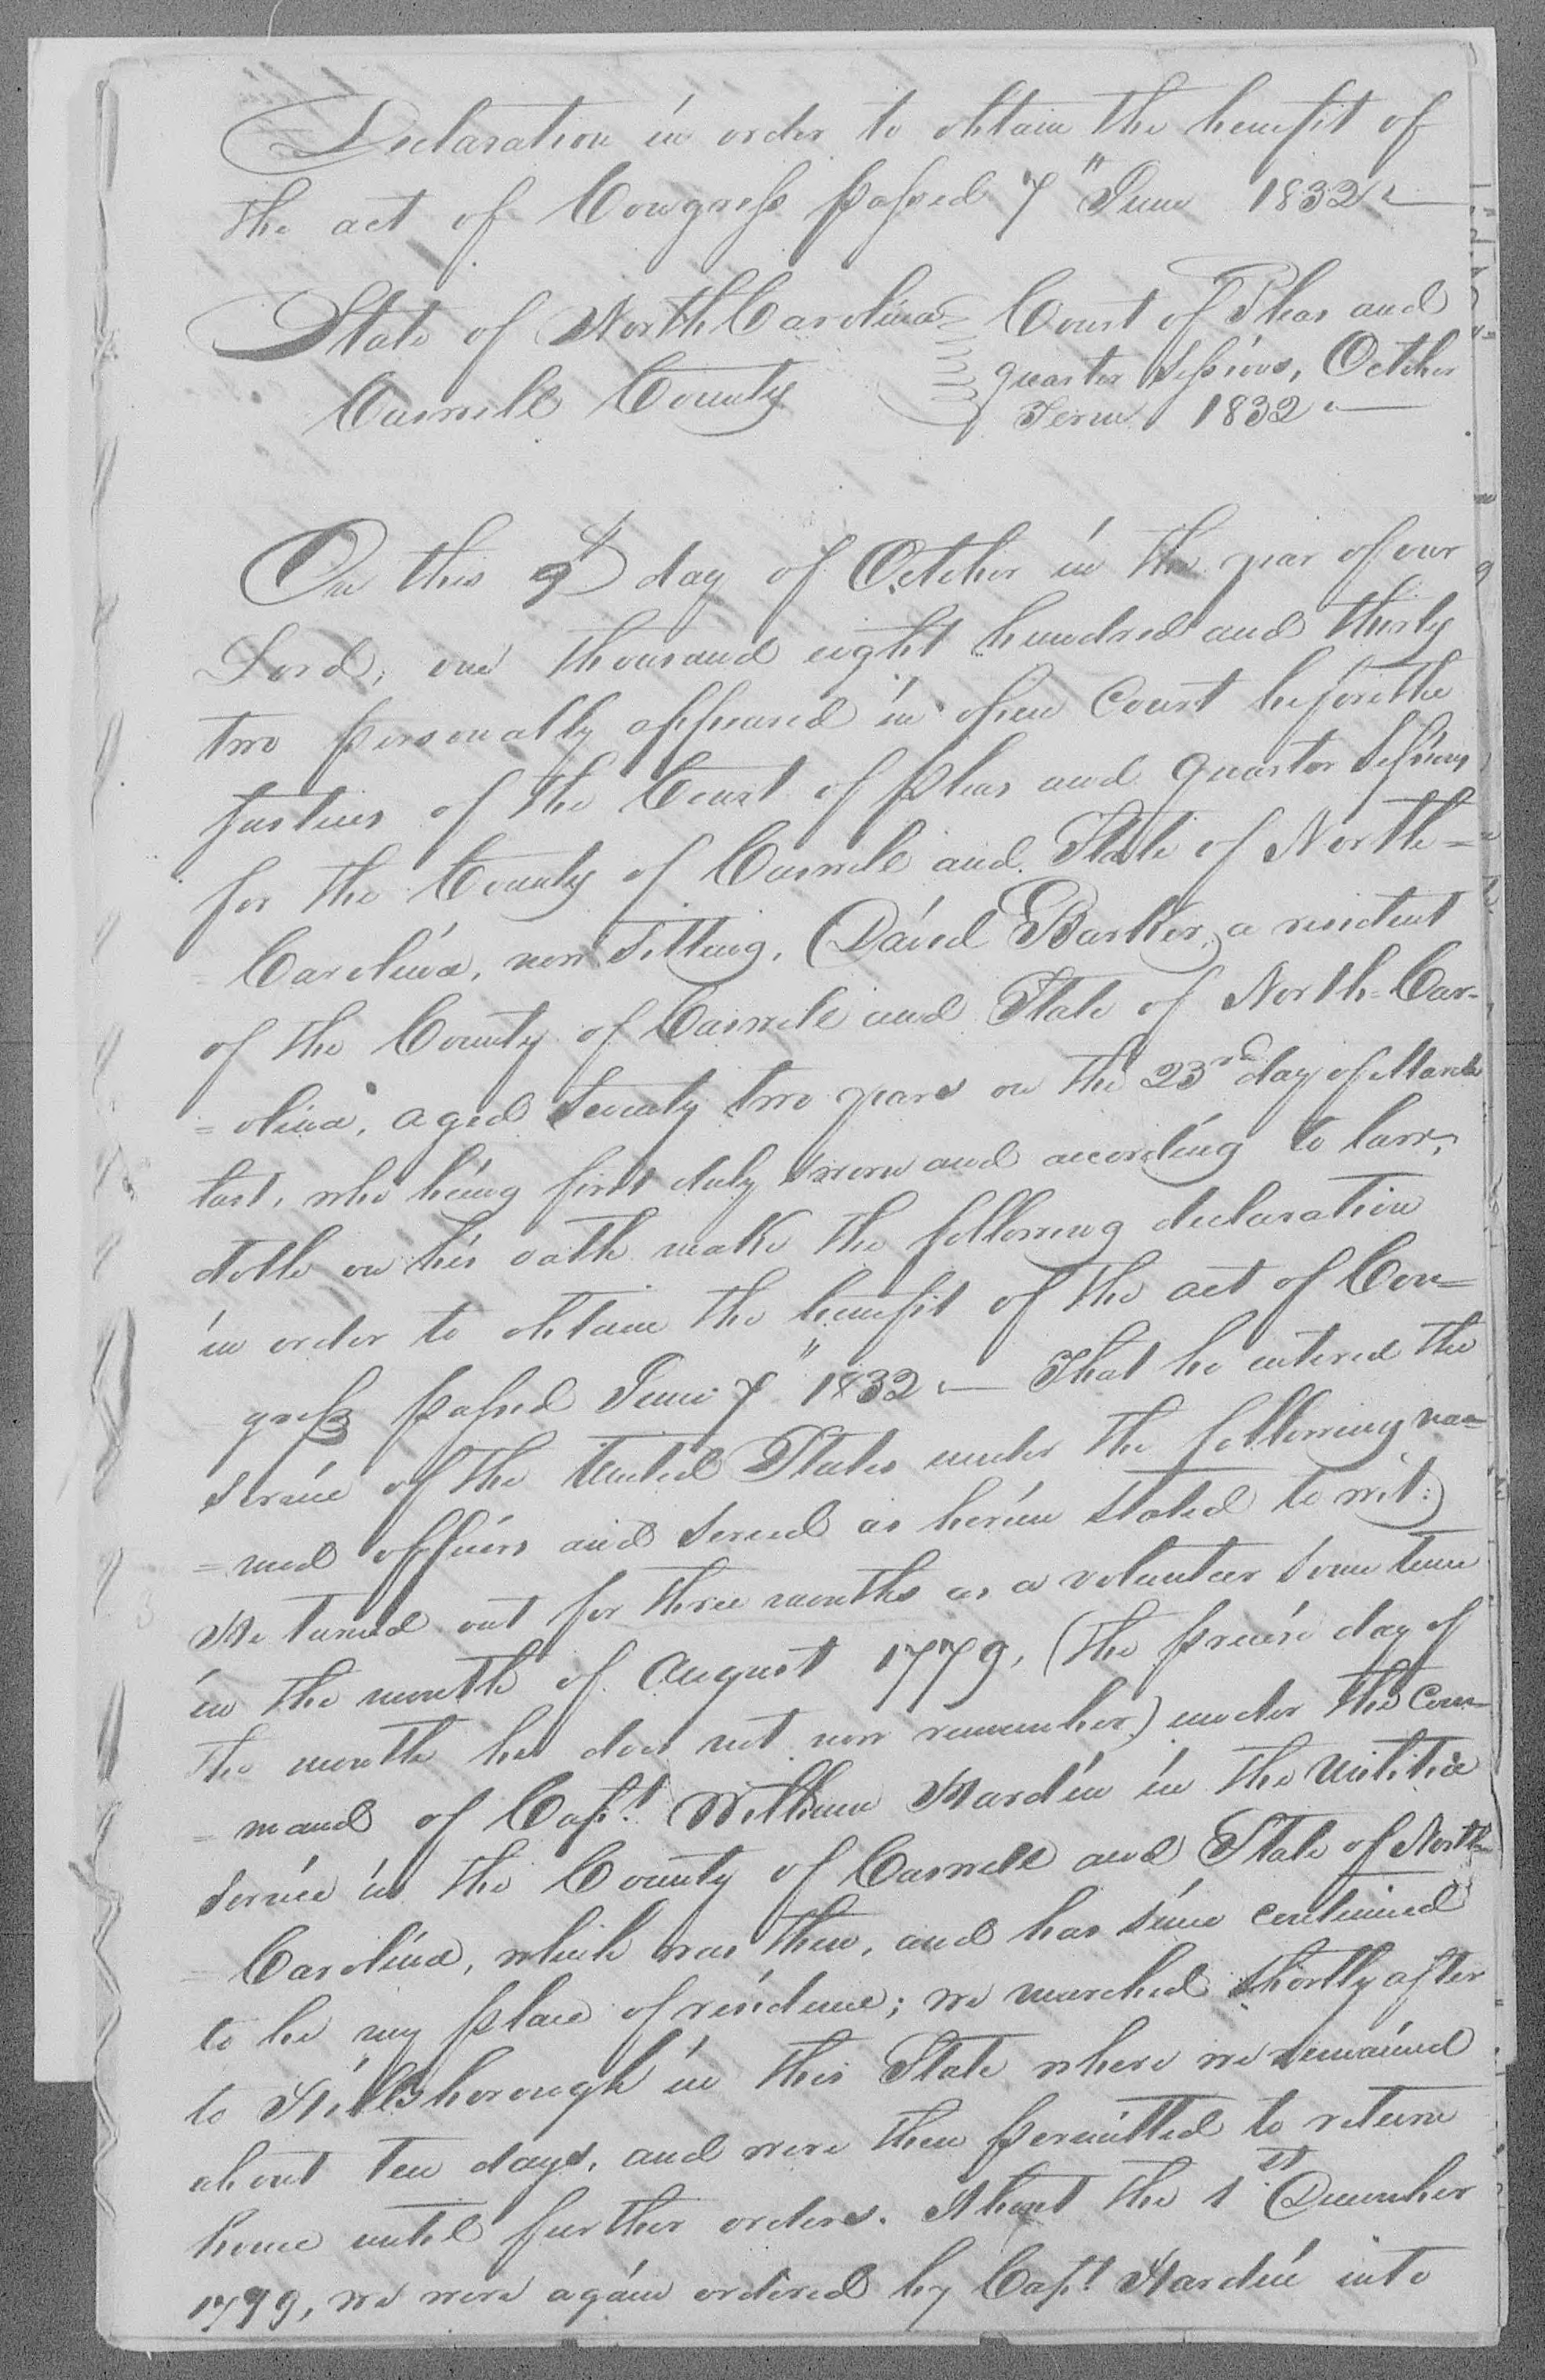Declaration in order to obtain the benefit of the act of Congress passed 7th June 1832 –

State of North Carolina} 
Caswell County} Court of Pleas and Quarter Sessions, October Term 1832 

On this 9th day of October in the year of our Lord one thousand eight hundred and thirty two personally appeared in open Court before the Justices of the Court of Pleas and Quarter Sessions for the County of Caswell and State of North Carolina, now sitting, David Barker, a resident of the County of Caswell and State of North Carolina, aged Seventy-two years on the 23rd day of March last, who being first duly sworn and according to law, doth on his oath make the following declaration in order to obtain the benefit of the act of Congress passed June 7th 1832 – That he entered the service of the United States under the following named officers and served as herein stated to wit: That he turned out for three months as a volunteer some time in the month of August 1779 (the precise day of the month he does not remember) under the command of Capt. [Captain] William Hardin in the militia Service in the County of Caswell and State of North Carolina, which was then, and has since continued to be my place of residence; we marched shortly after to Hillsborough in this State where we remained about ten days, and were then permitted to return home until further orders. About the 1st December 1779, we were again ordered by Captain Hardin into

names: William Mardin, David Barker, Hardin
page: 4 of 23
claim: survivor's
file: S. 6560, David Barker, N.C.